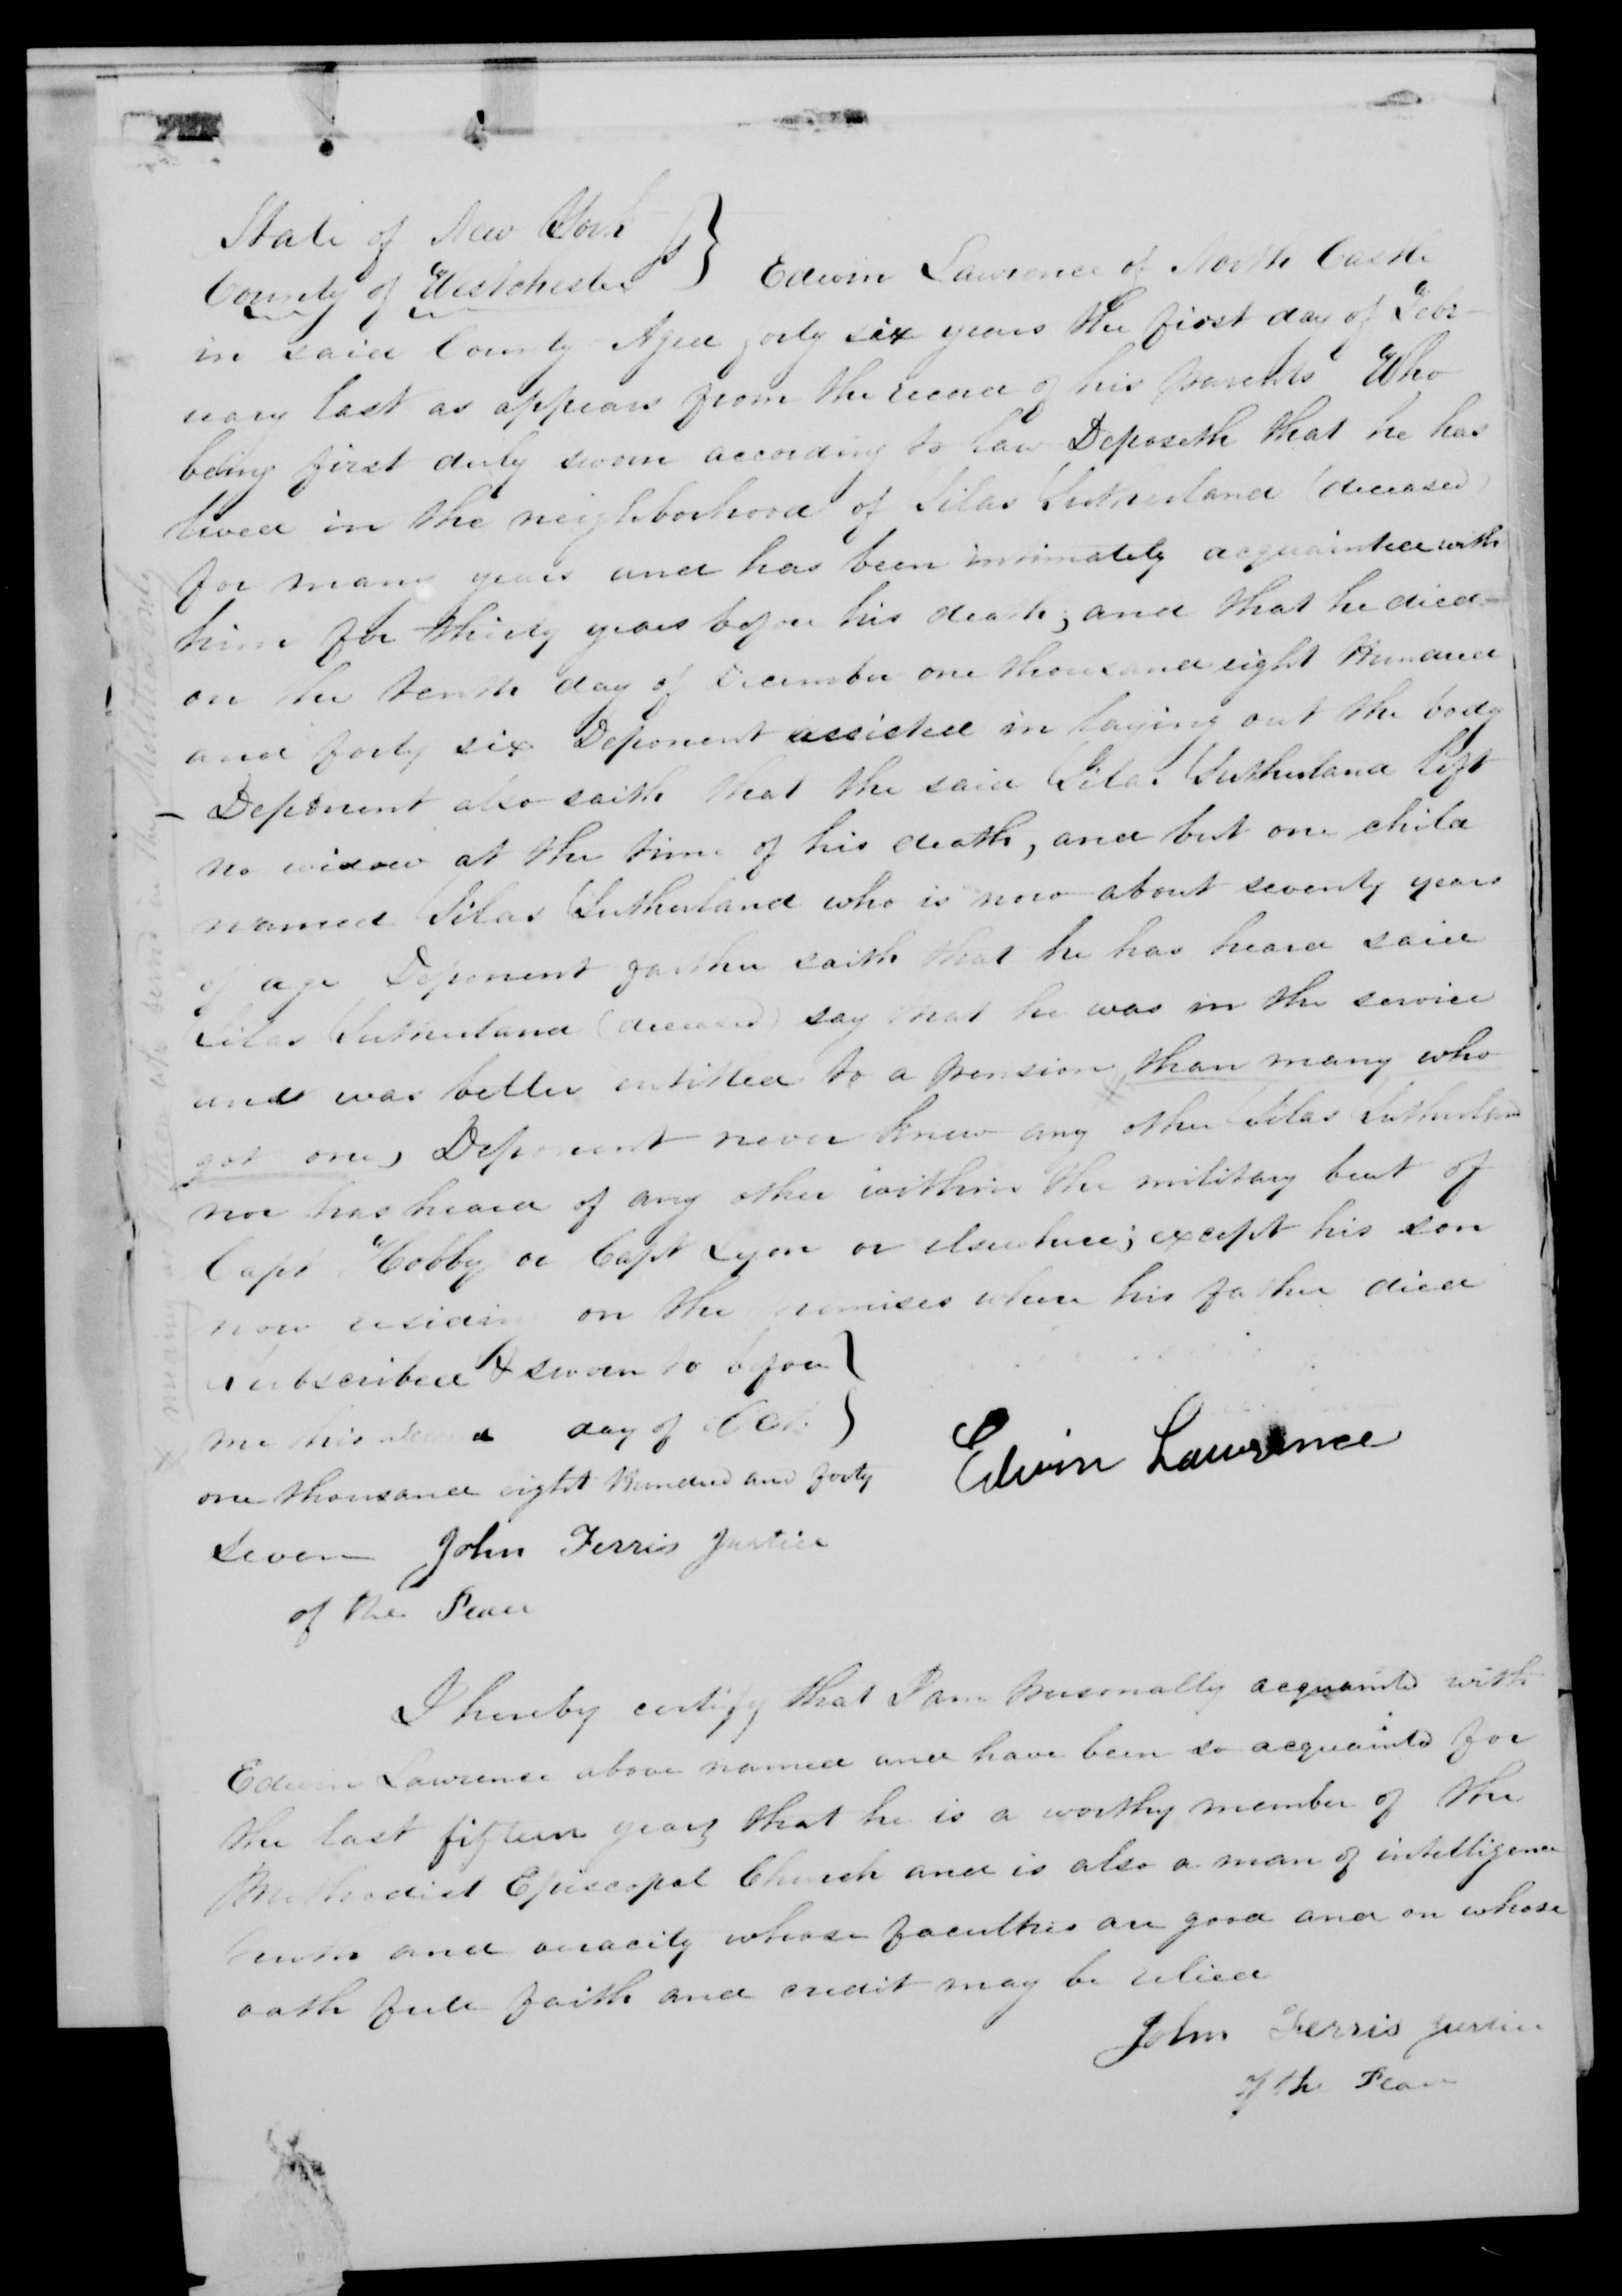State of New York
County of Westchester ss }

Edwin Lawrence of North Castle in said County Aged forty six years the first day of February last as appears from the record of his parents who being first duly sworn according to law Deposith that he has lived in the neighborhood of Silas Sutherland (deceased) for many years and has been intimately acquainted with him for thirty years before his death, and that he died on the tenth day of December one thousand eight Hundred and forty six.  Deponent assisted in laying out the body Deponent also saith that the said Silas Sutherland left no widow at the time of his death, and but one child named Silas Sutherland who is now about seventy years of age.  Deponent further saith that he has heard said Silas Sutherland (deceased) say that he was in the service and was better entitled to a pension # than many who got one, Deponent never knew any other Silas Sutherland nor has heard of any other within the military but of Capt Hobby or Capt Lyon or elsewhere; except his son now residing on the premises where his father died.  

[# note on left side of paper] # meaning of those who served in the Militia only.

Edwin Lawrence

Subscribed and sworn to before me this seventh [?] day of Oct. one thousand eight Hundred and forty seven
John Ferris Justice of the Peace

I hereby certify that I am personally acquainted with Edwin Lawrence above named and have been so acquainted for the last fifteen years, that he is a worthy member of the Methodist Episcopal Church and is also a man of intelligence truth and veracity whose faculties are good and on whose oath full faith and credit may be relied

John Ferris Justice of the Peace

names: Edwin Lawrence; Silas Sutherland; Silas Sutherland; Silas Sutherland; John Ferris; John Ferris; [BLANK] Hobby; Silas Sutherland; Edwin Lawrence; [BLANK] Lyon; Edwin Lawrence; Silas Sutherland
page: 19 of 77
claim: survivor's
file: S. 23003, for Silas Southerland, New York